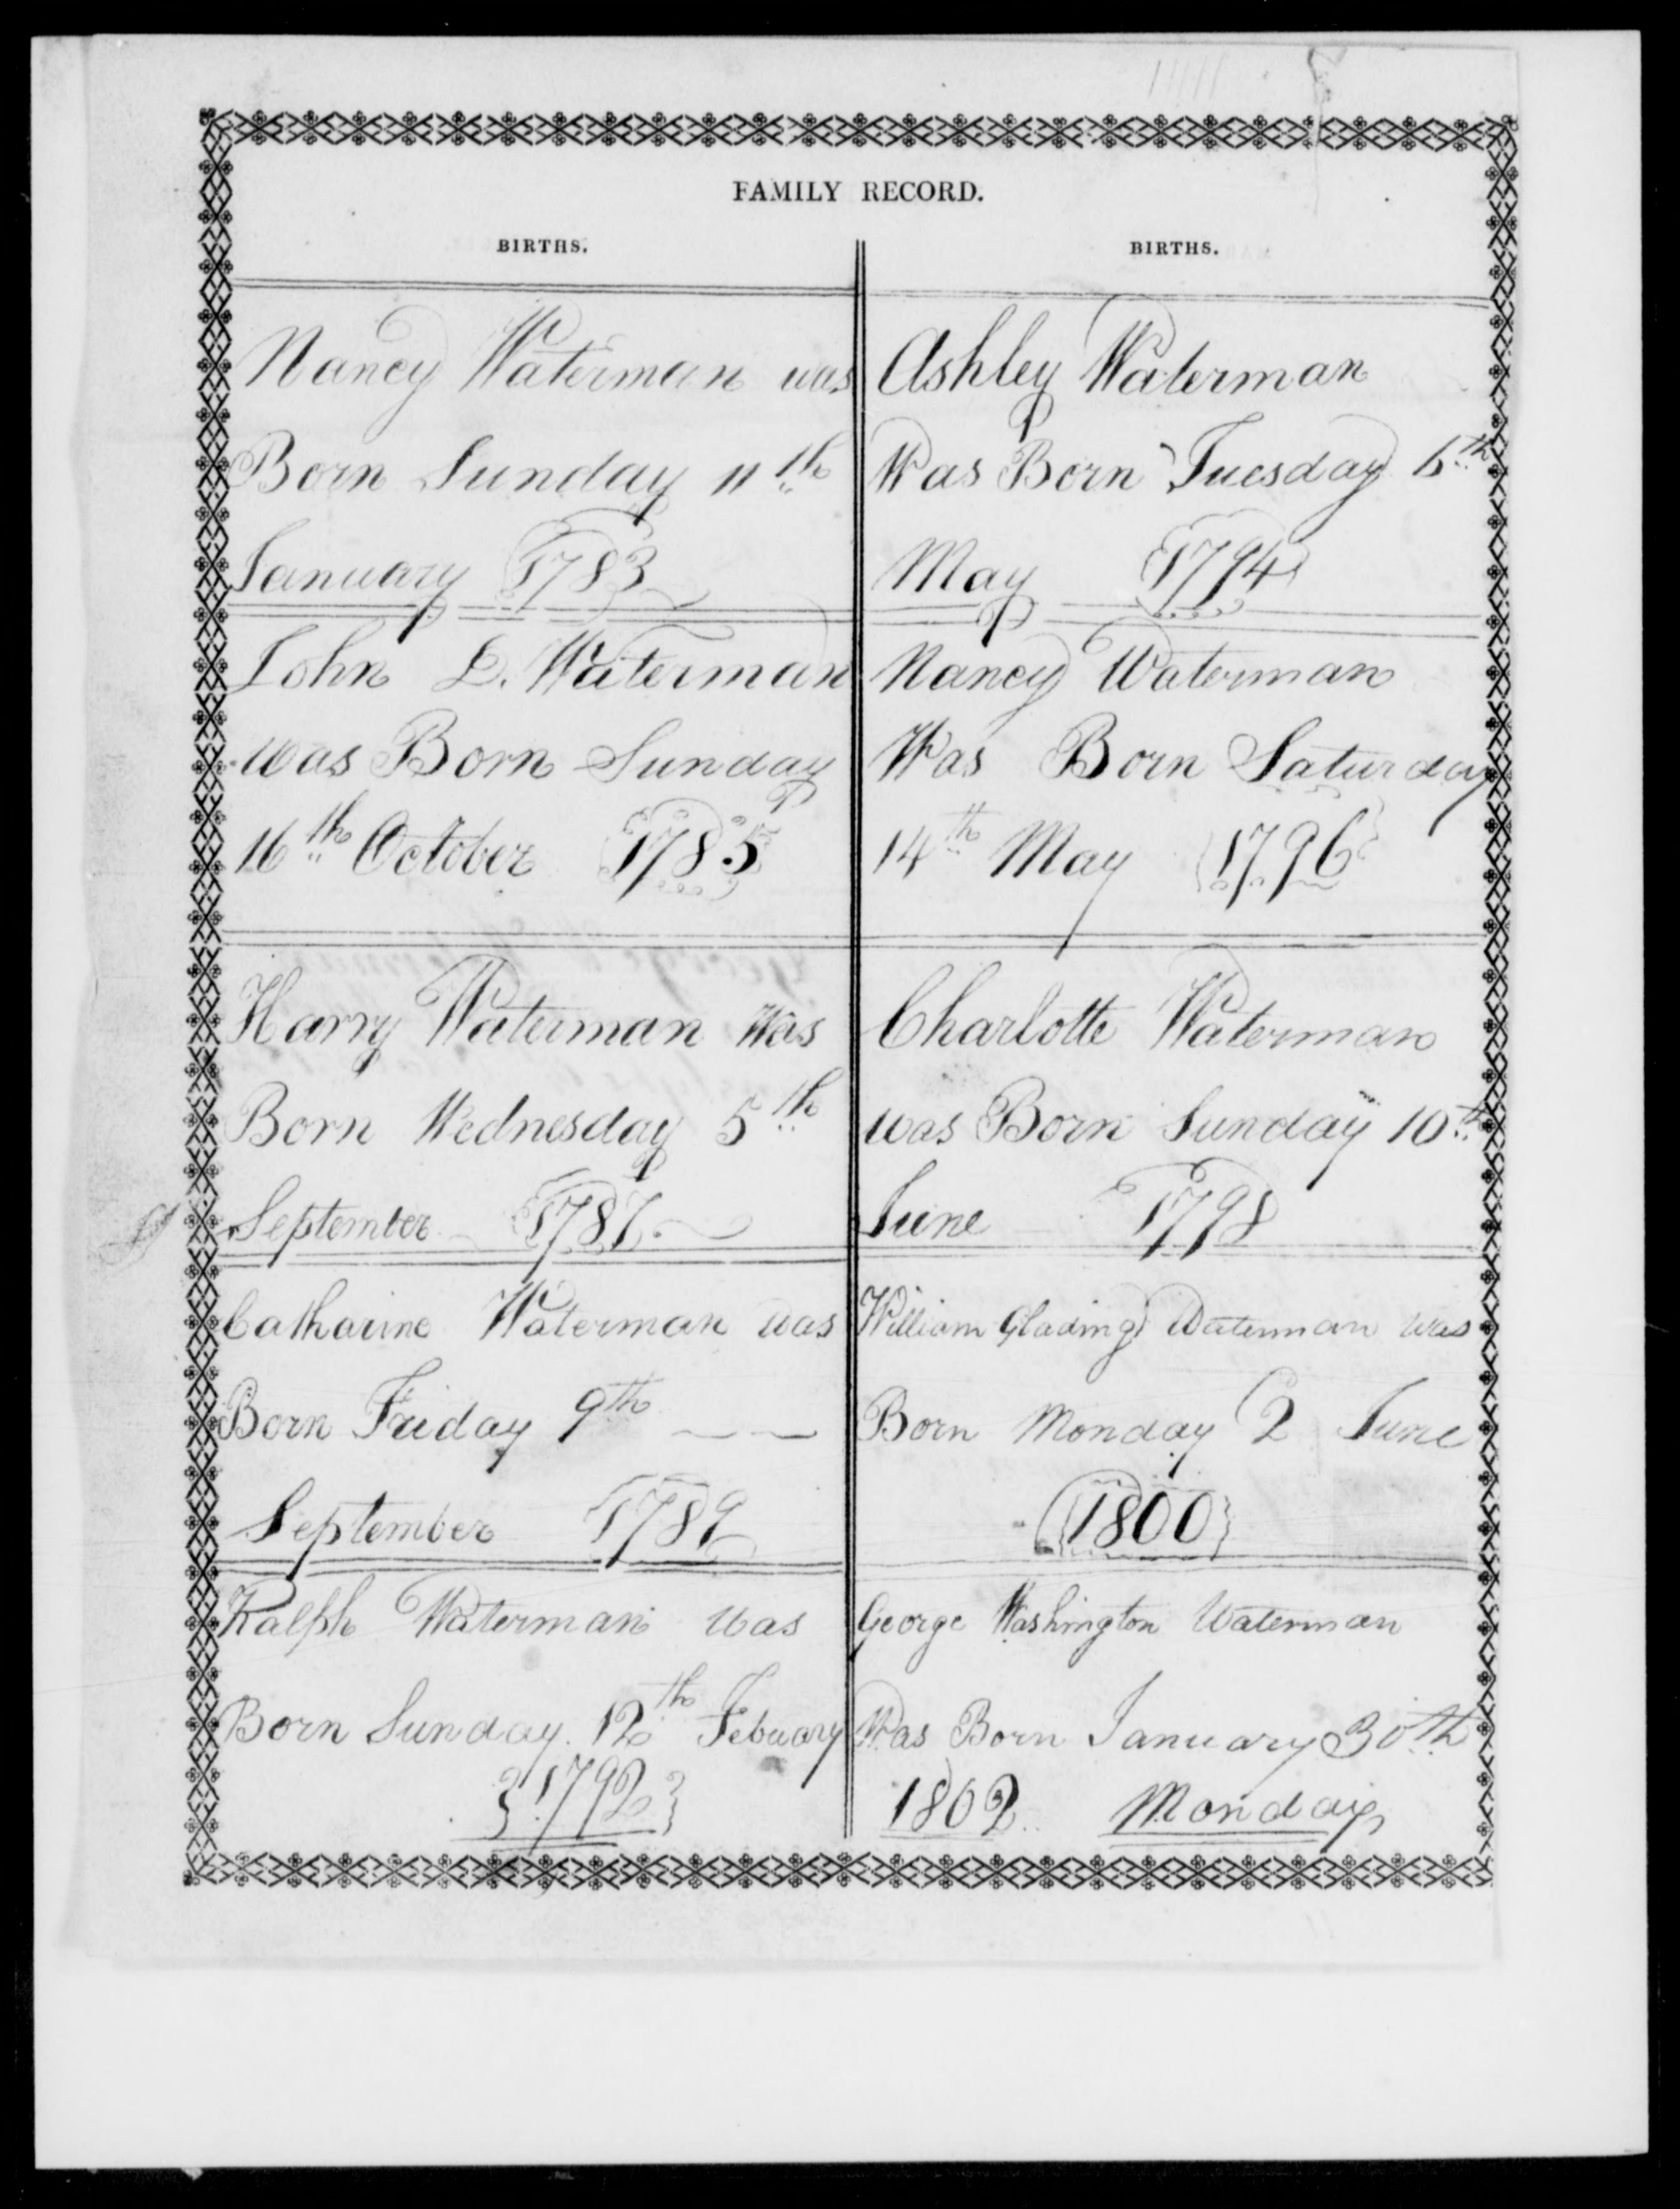FAMILY RECORD
BIRTHS.
--------------------------------------------------
Nancy Waterman was Born Sunday 11th January 1783
---------------------------------------------------
John D. Waterman was Born Sunday 16th October 1785
----------------------------------------------------
Harry Waterman was Born Wednesday 5th September 1787
----------------------------------------------------
Catharine Waterman was Born Friday 9th September 1789
----------------------------------------------------
Ralph Waterman was Born Sunday 12th February 1792
----------------------------------------------------
Ashley Waterman Was Born Tuesday 5th May 1794
---------------------------------------------------
Nancy Waterman Was Born Saturday 14th May 1796
---------------------------------------------------
Charlotte Waterman was Born Sunday 10th June 1798
---------------------------------------------------
William Glading Waterman was Born Monday 2d June 1800
----------------------------------------------------
George Washington Waterman Was born January 30th 1802 Monday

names: Nancy Waterman, John D Waterman, Ashley Waterman, George Washington Waterman, William Glading Waterman, Charlotte Waterman, Harry Waterman, Catharine Waterman, Ralph Waterman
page: 17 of 50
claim: widow's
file: W. 15814, Glading Waterman, Conn. Conn. Sea Service Continental